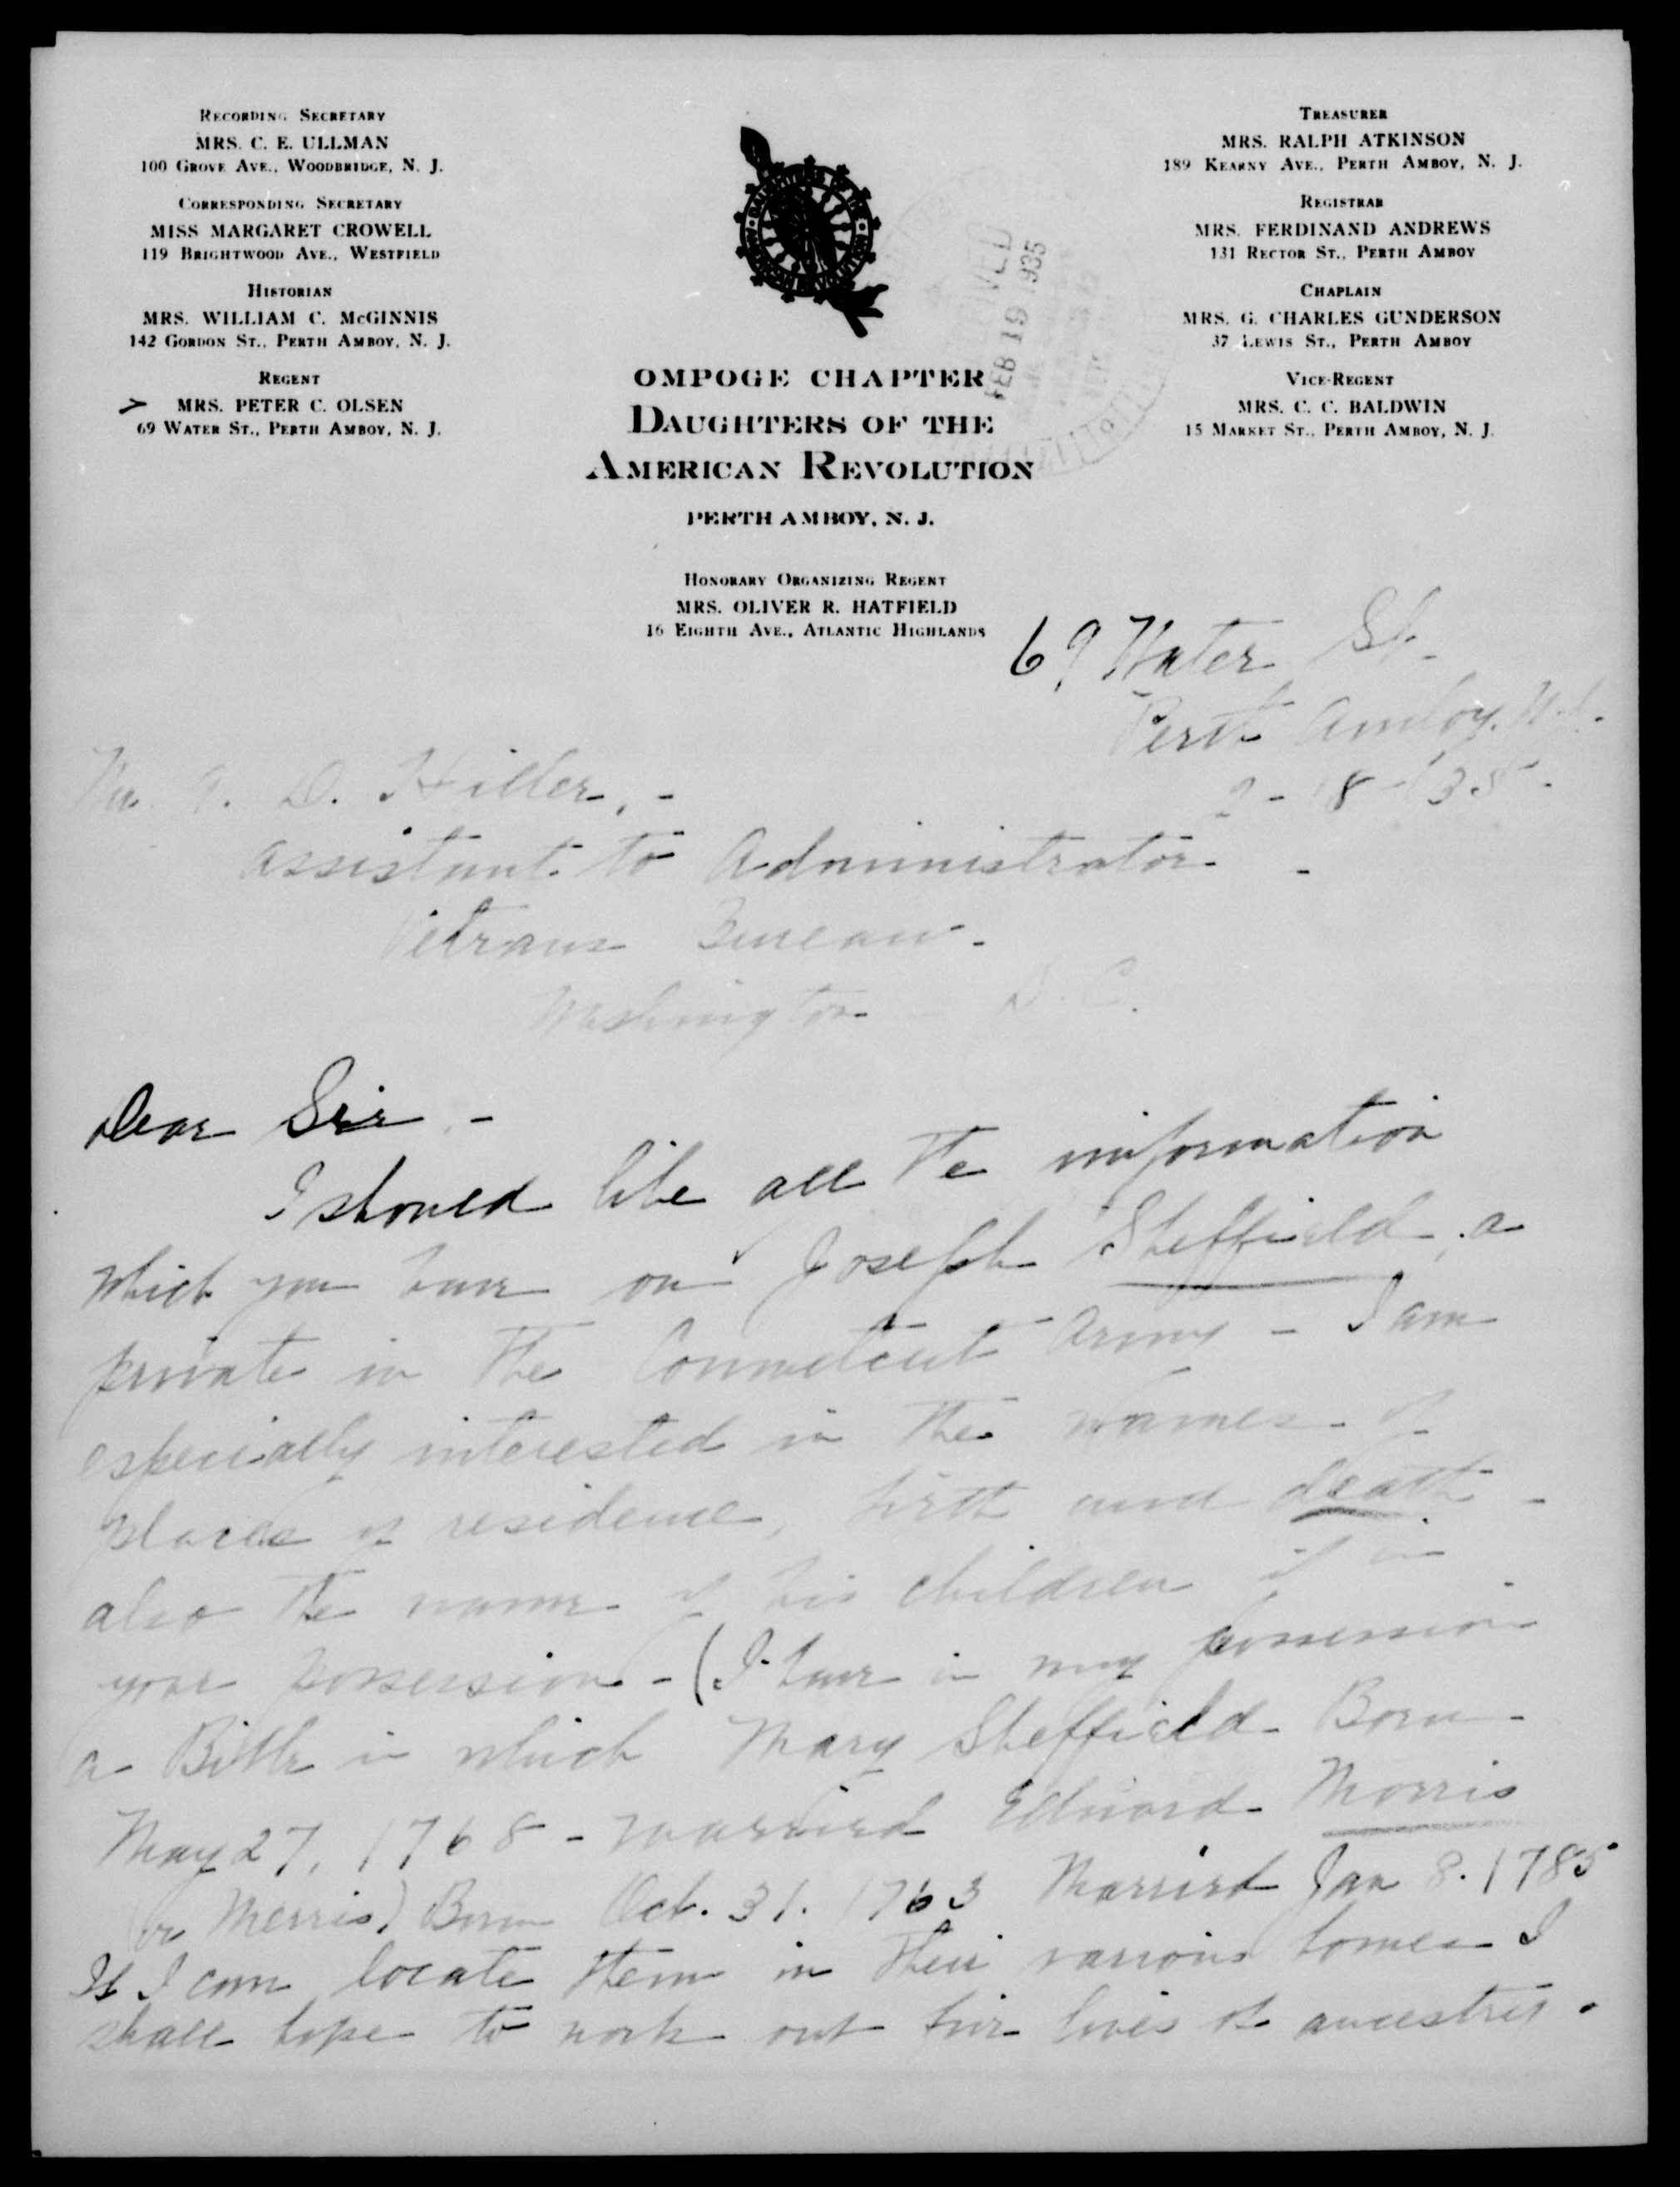[letterhead]
OMPOGE CHAPTER
DAUGHTERS OF THE
AMERICAN REVOLUTION
PERTH AMROY, N. J.
HONORARY ORGANIZING REGENT
MRS. OLIVER R. HATFIELD
16 EIGHTH AVE ATLANTIC HIGHLANDS

RECORDING SECRETARY
MRS. C. E. ULLMAN
100 GROVE AVE., WOODBRIDGE, N. J.
CORRESPONDING SECRETARY
MISS MARGARET CROWELL
119 BRIGHTWOOL AVE., WESTFIELD
HISTORIAN
MRS. WILLIAM C. McGINNIS
142 GORDON ST. PERTH AMBOY, N. J.
REGENT
MRS. PETER C. OLSEN
69 WATER ST. PEATH ANSON, N. J.

TREASURER
MRS. RALPH ATKINSON
189 KEARNY AVE., PERTH AMBOY, N. J.
REGISTRAR
MRS. FERDINAND ANDREWS
131 RECTOR ST. PERTH AMBOY
CHAPLAIN
MRS. G. CHARLES GUNDERSON
37 LEWIS ST. PERTH AMBOY
VICE-REGENT
MRS. C. C. BALDWIN
15 MARKET ST. PERTH AMBOY, N. J.
[end letterhead]

69 Water St.
Perth Amboy N.
2-18-1935
To J. D. Hiller 
assistant to Administrator.
Veterans Bureau
Washington D.C.

Dear Sir-
I should like all the information
which you have on Joseph Sheffield
private in the Connecticut army-- I am
especially interested in the names
place of residence, birth and death
also the name of his children if in your
possession. I have in my possession
as Bible in which Mary Sheffield Born
May 27, 1768 - Married Edward Morris
(or Marris) Born Oct. 31. 1763 Married Jan 8. 1785 
If I can locate them in their various home I
shall hope to work out their lines for ancestry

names: Ferdinand Andrews; Edward Morris; Peter C Olsen; William C Mc Ginnins; C E Ullman; C C Baldwin; Ralph Atkinson; Joseph Sheffield; A D Hiller; G Charles Gunderson; Margaret Crowell; Oliver R Hatfield; Edward Merris; Mary Sheffield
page: 19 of 25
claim: survivor's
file: S. 42,272, for Joseph Sheffield, Connecticut